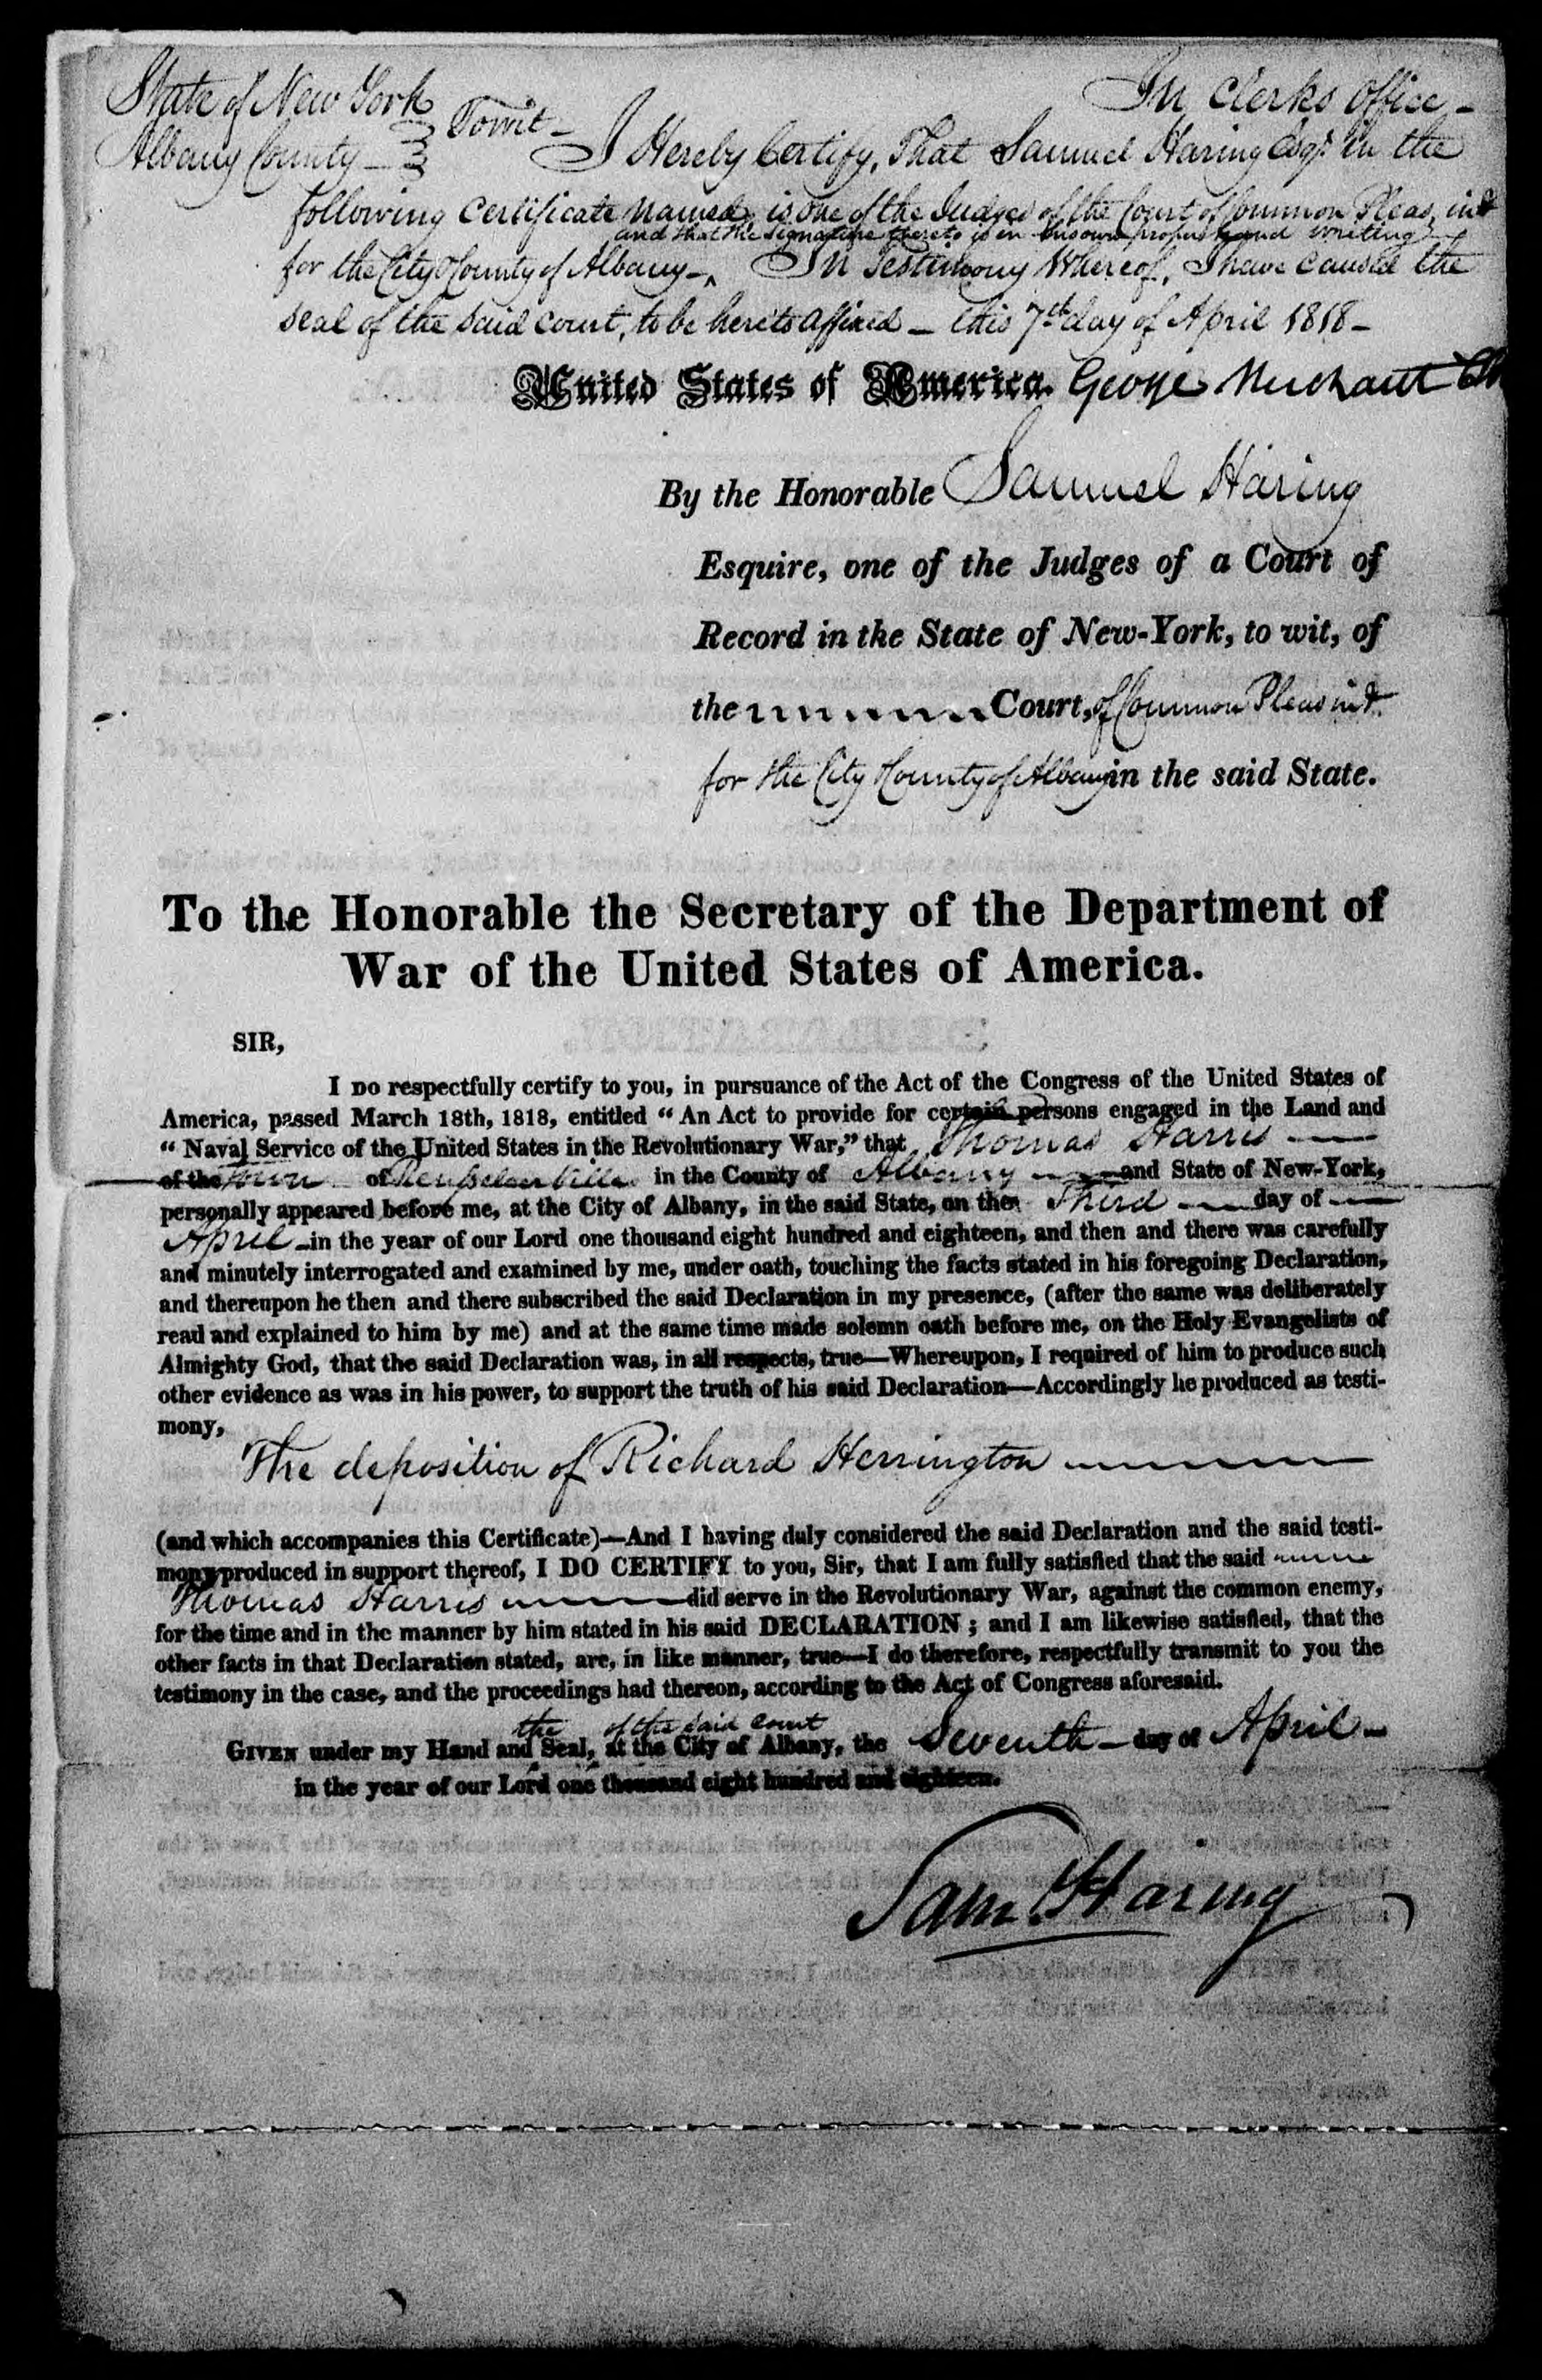State of New York Albany County Towit- In clerks office - I hereby certify, that Samuel Haring Esqr in the following certificate named, is one of the judges of the Court of Common Pleas, in & for the City & County of Albany. In testimony whereof, I have cause the seal of the said court, to be hereto affixed this 7th day of April 1818. George Merchant [illegible] 
United States of America By the Honorable Samuel Haring Esquire, one of the Judges of a Court of Record in the State of New-York, to wit, of the Court of Common Pleas in & for the City & County of Albany in the said State. 
To the Honorable the Secretary of the Department of War of the United States of America. SIR, I do respectfully write to you, in pursuance of the Act of Congress of the United States of America, passed March 18th, 1818, entitled "An Act to provide for certain persons engaged in the Land and "Naval Service of the United States in the Revolutionary War," that Thomas Harris of the town of Rensselaerville in the County of Albany and State of New-York, personally appeared before me, at the City of Albany, in the said State, on the Third day of April in the year of our Lord one thousand eight hundred and eighteen, and then and there was carefully and minutely interrogated and examined by me, under oath, touching the facts stated in his foregoing Declaration, and thereupon he then and there subscribed the said Declaration in  my presence, (after the same was deliberately read and explained to him by me) and at the same time made solemn oath before me, on the Holy Evangelists of Almighty God, that the said Declaration was, in all respects, true - Whereupon, I required of him to produce such other evidence as was in his power, to support the truth of his said Declaration - Accordingly he produces as testimony, The deposition of Richard Herrington (and which accompanies this Certificate) - And I having duly considered the said Declaration and the said testimony produced in support thereof, I DO CERTIFY to you, Sir, that I am fully satisfied that the said Thomas Harris did serve in the Revolutionary War, against the common enemy, for the time and in the manner by him stated in his said DECLARATION; and I am likewise satisfied, that the other facts in that Declaration stated, are, in like manner, true - I do therefore, respectfully transmit to you the testimony in the case, and the proceedings had thereon, according to the Act of Congress aforesaid. GIVEN under my Hand and the Seal of this said Court, at the City of Albany, the Seventh day of April in the year of our Lord on thousand eight hundred and eighteen. Saml. Haring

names: Thomas Harris, Richard Herrington, Saml Haring, Samuel Haring, Samuel Haring, Thomas Harris, George Merchant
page: 6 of 16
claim: survivor's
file: S. 38815, Thomas Harris, R.I.